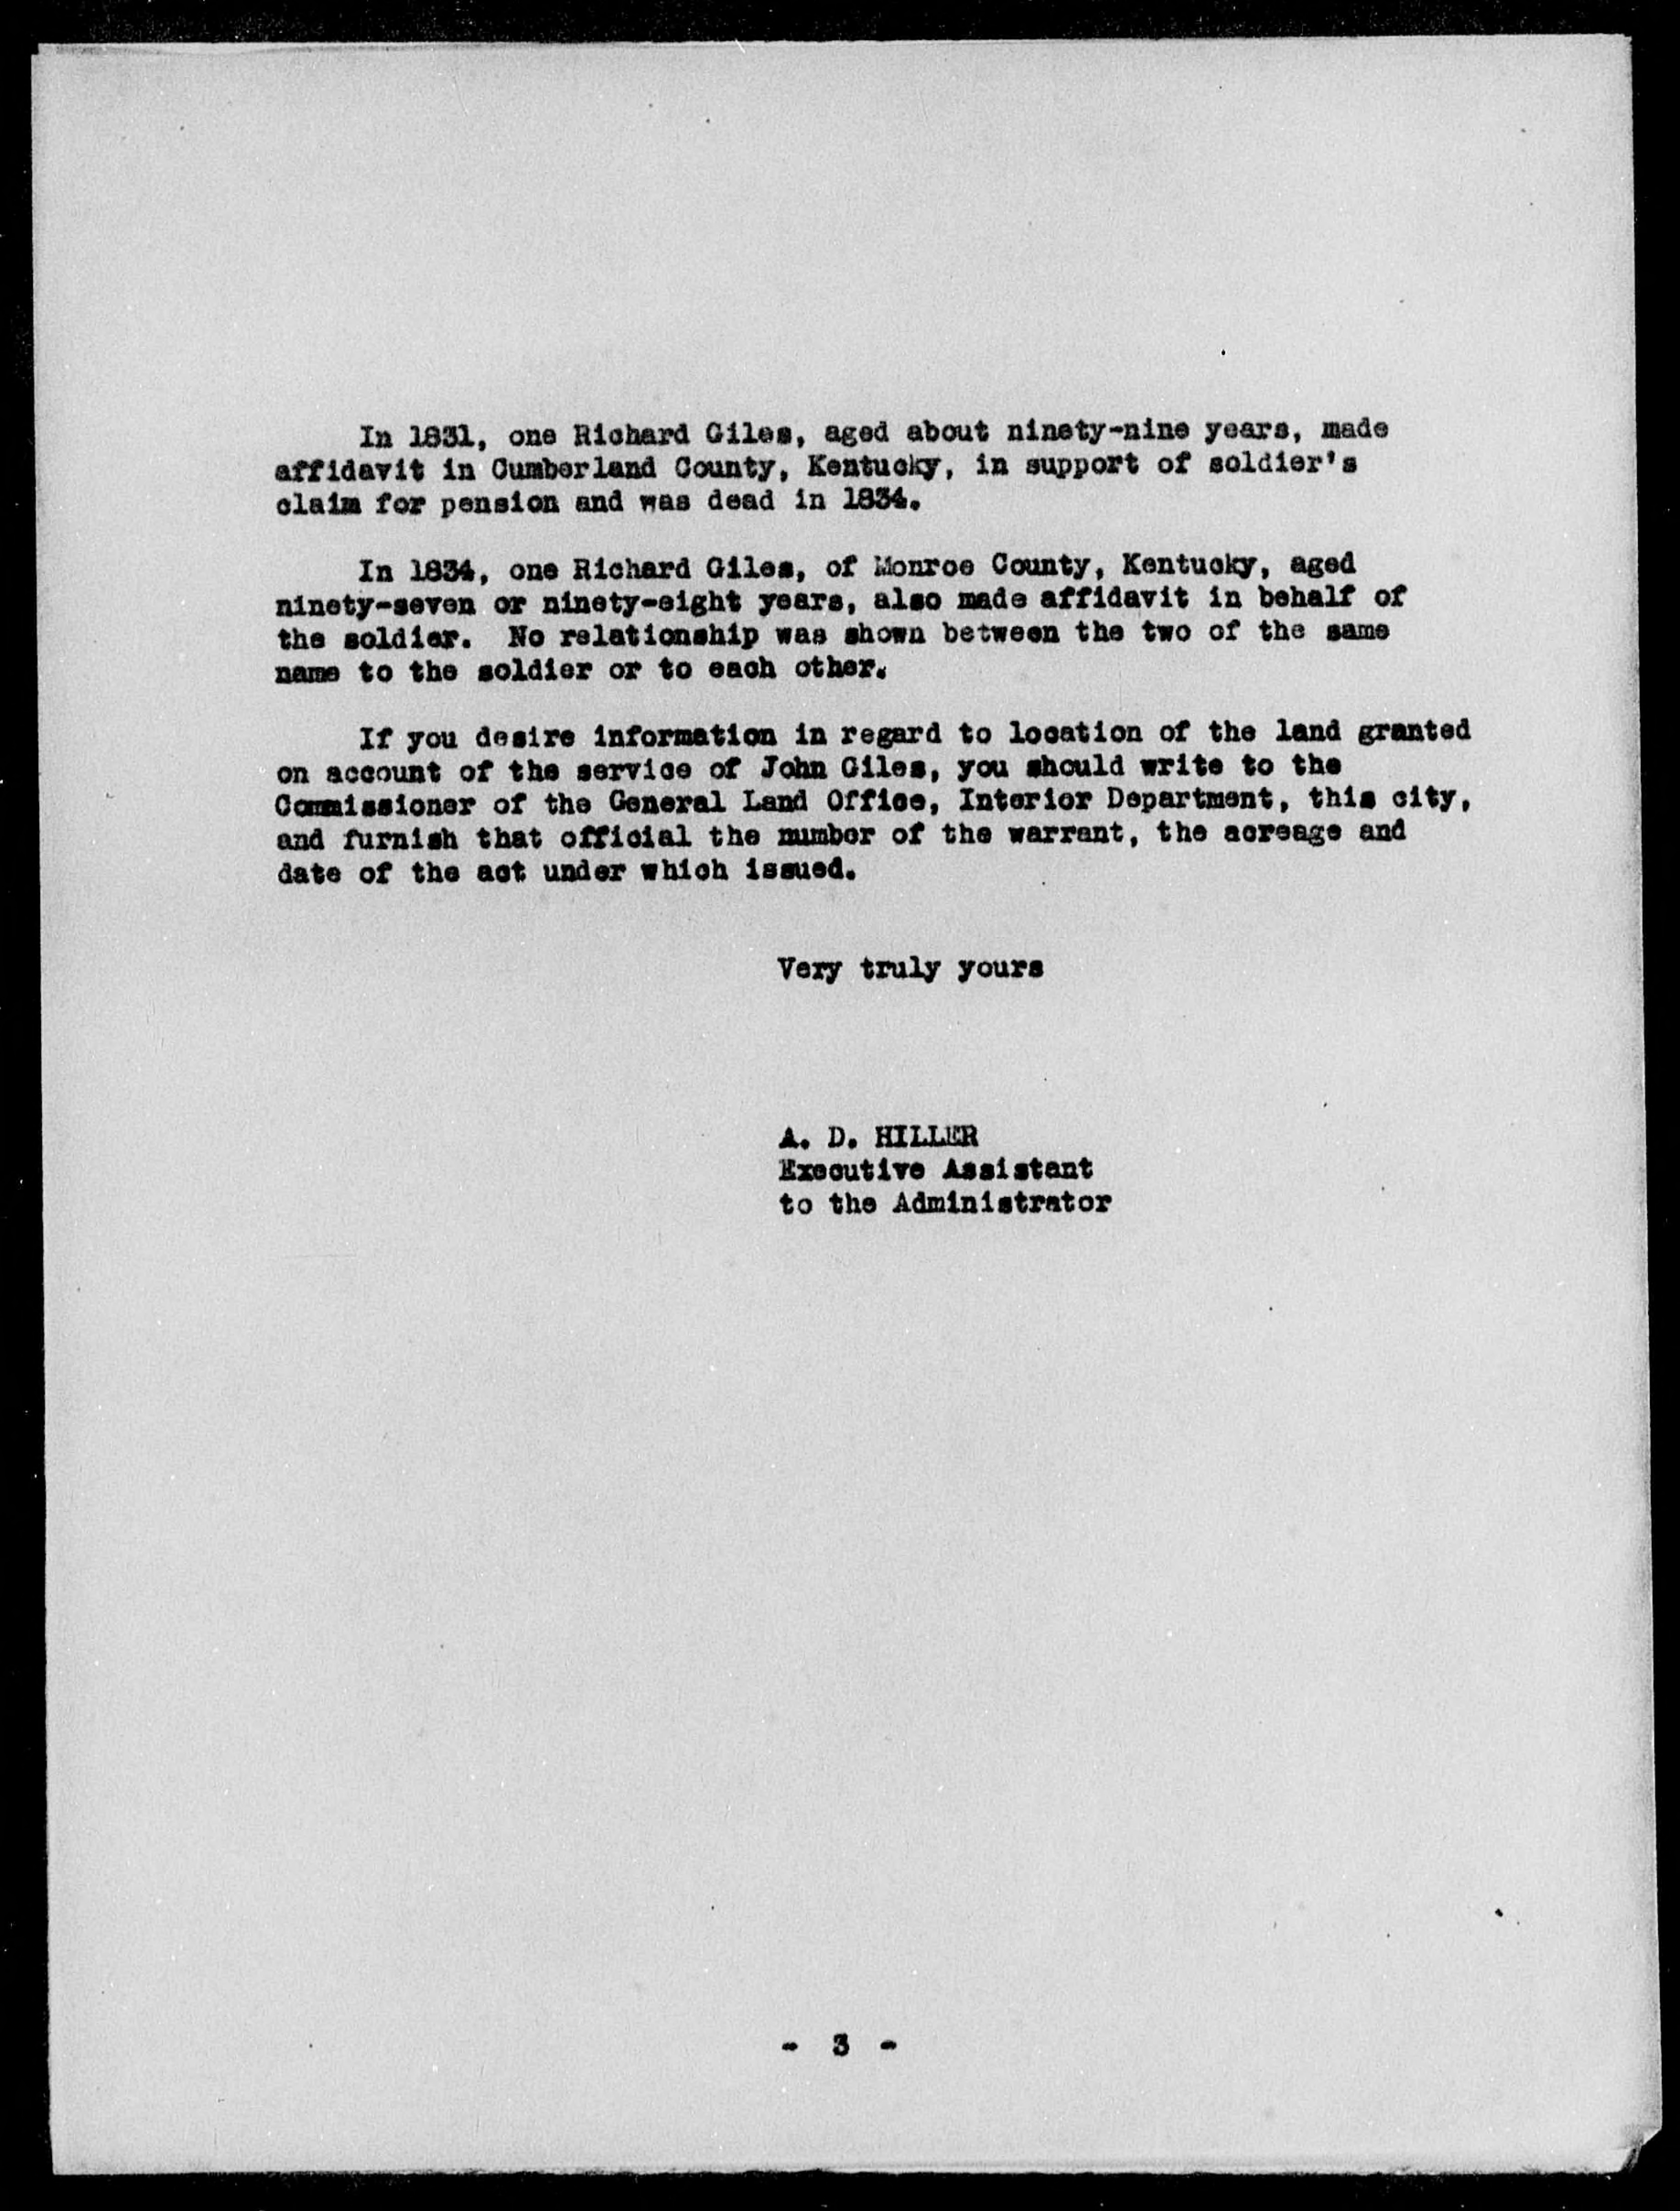In 1831, one Richard Giles, aged about ninety-nine years, mad affidavit in Cumberland County, Kentucky, in support of soldier's claim for pension and was dead in 1834.

In 1934, on Richard Gils, of Monroe County, Kentucky, aged ninety-seven or ninety-eight years, also made affidavit in behalf of the soldier. No relationship was shown between the two of the same name to the soldier or to each other.

If you desire information in regard to location of the land granted on account of the service of John Giles, you should write to the Commissioner of the General Land Office, Interior Department, this city, and furnish that official the number of the warrant, the acreage and date of the act under which issued. 

Very truly yours 

A.D. Hiller
Executive Assistant to the Administrator


3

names: Richard Giles, A D Hiller, John Giles, Richard Giles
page: 40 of 82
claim: widow's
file: W. 7,522, John Giles, N.C.